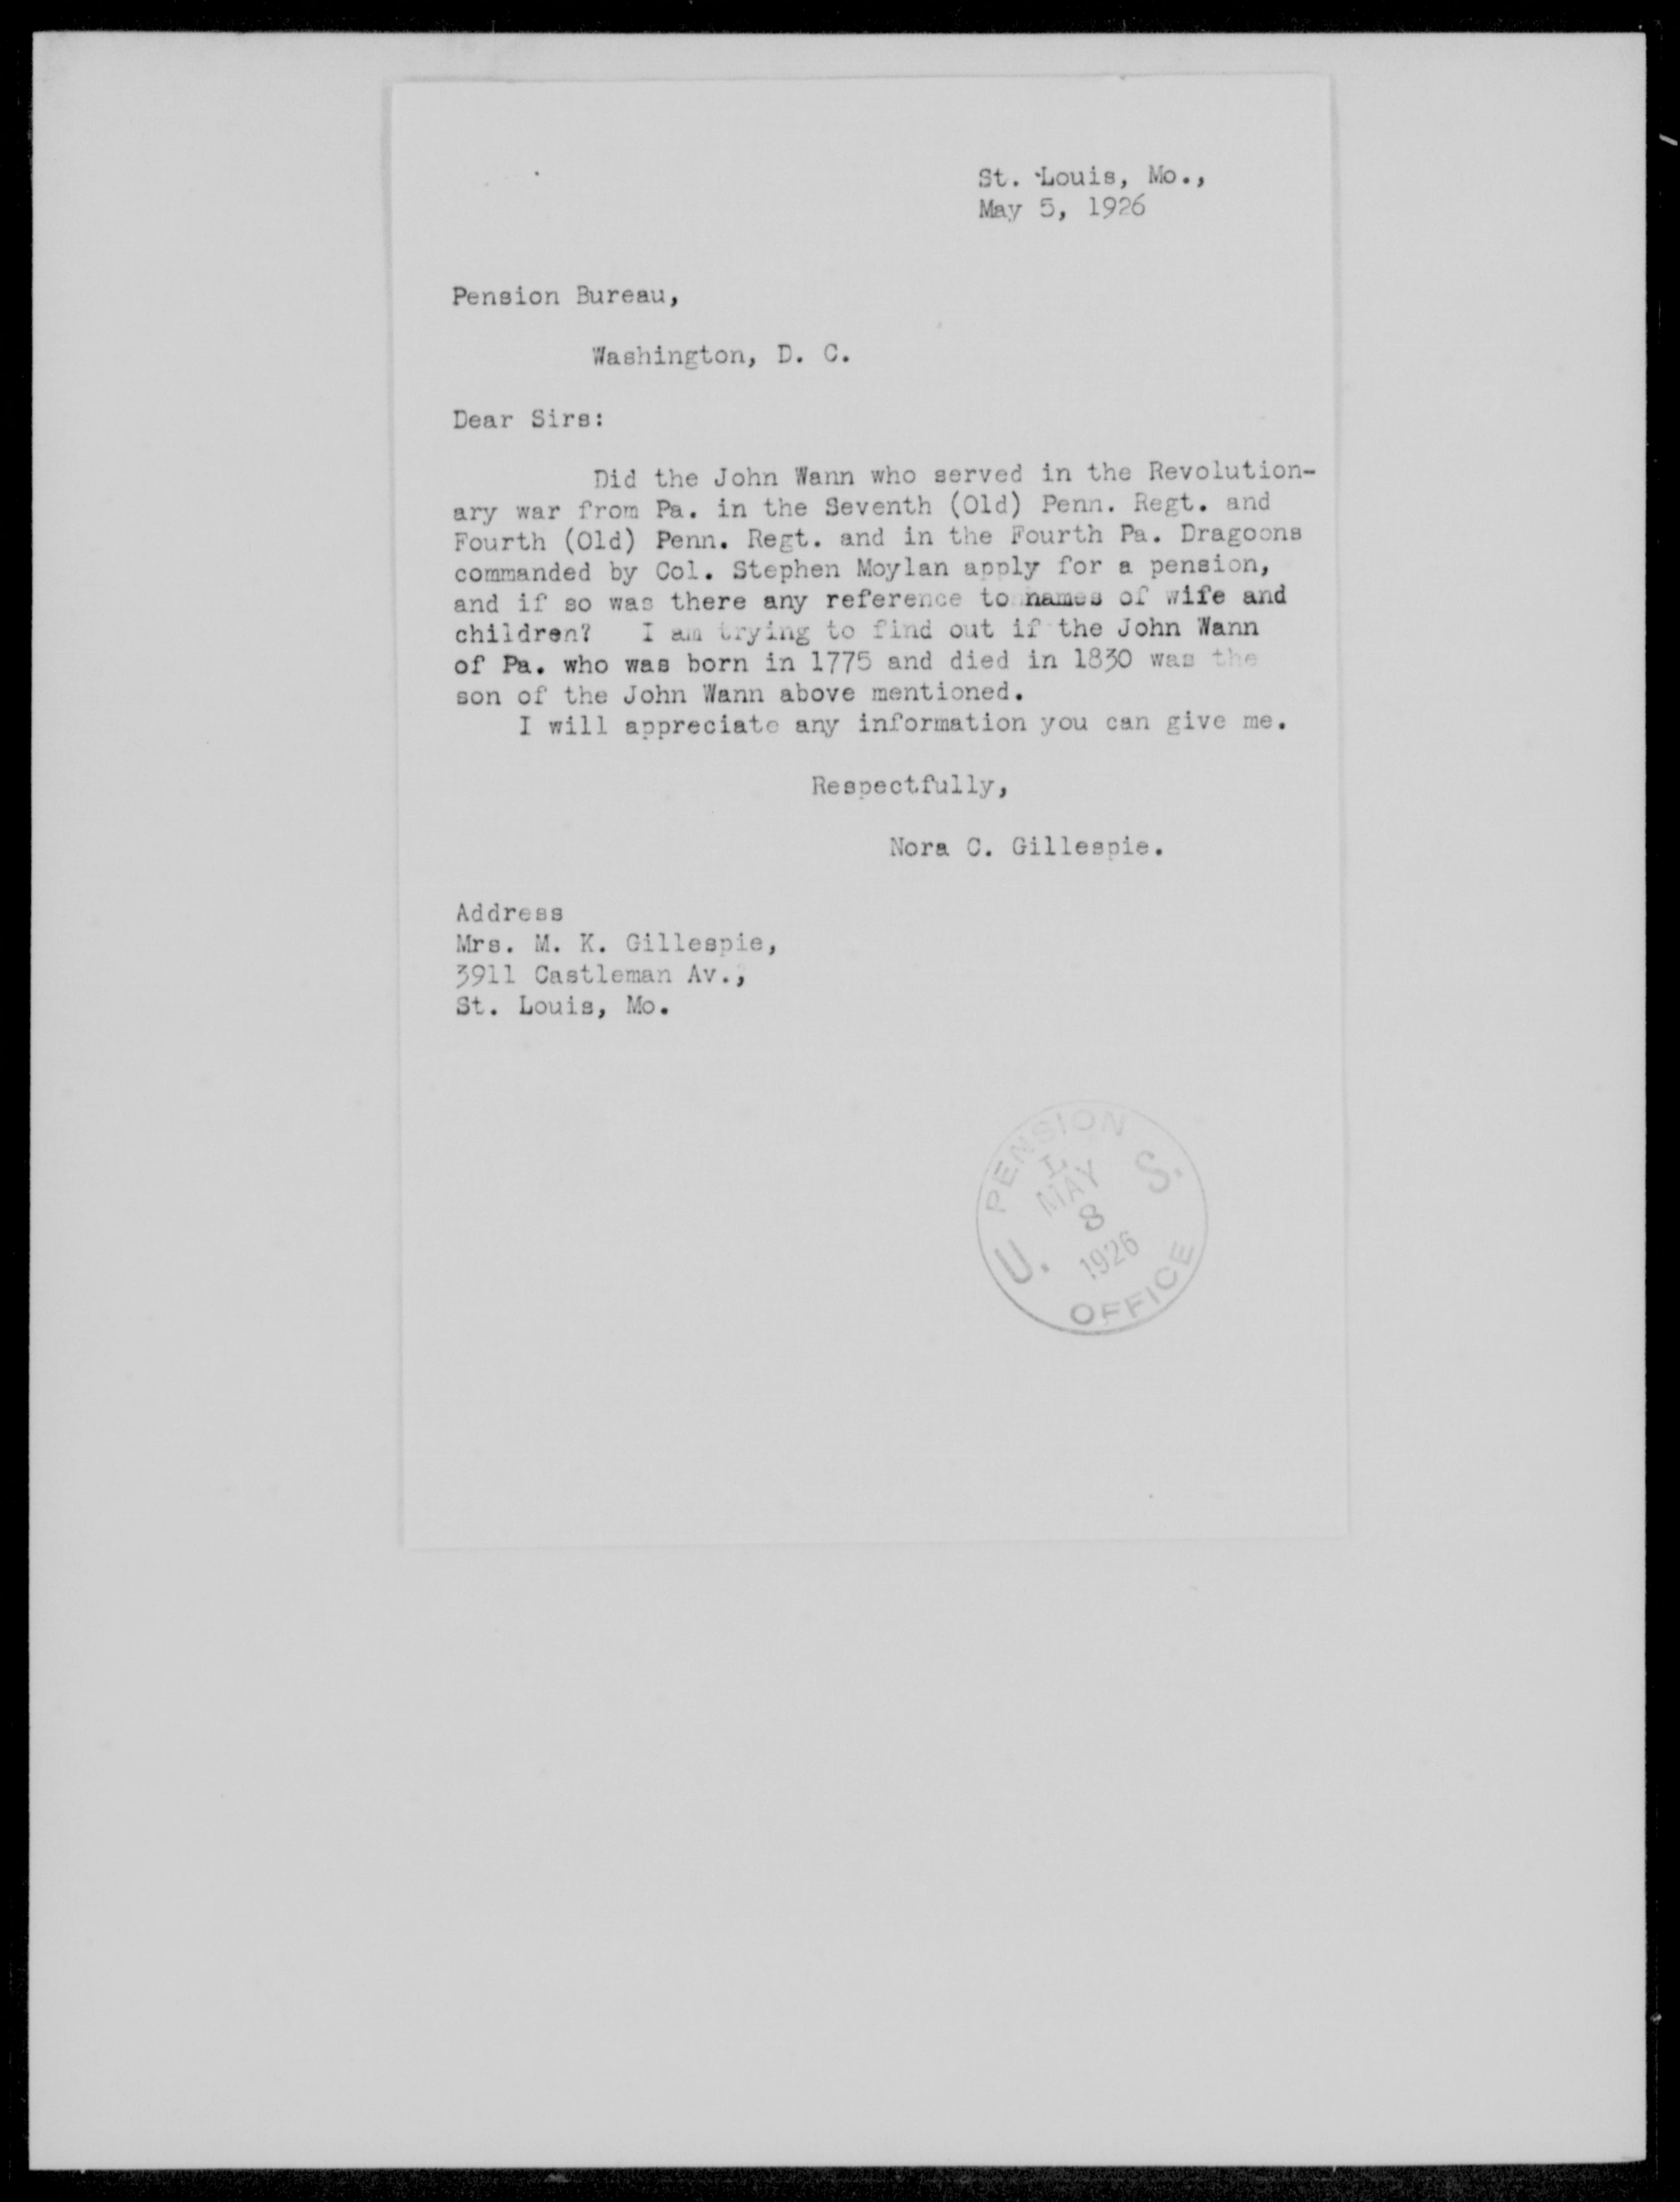St. Louis, Mo.,
                                   May 5, 1926

Pension Bureau,

     Washington, D. C.

Dear Sirs:

     Did the John Wann who served in the Revolutionary war from Pa. in the Seventh (Old) Penn. Regt. and Fourth (Old) Penn. Regt. and in the Fourth Pa. Dragoons commanded by Col. Stephen Moylan apply for a pension, and if so was there any reference to names of wife and children?  I am trying to find out if the John Wann of Pa. who was born in 1775 and died in 1830 was the son of the John Wan above mentioned.
     I will appreciate any information you can give me.

               Respectfully,

                     Nora C. Gillespie.

Address
Mrs. M. K. Gillespie,
3911 Castleman Av.,
St. Louis, Mo.



U.S. PENSION OFFICE
L
May
8
1926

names: M K Gillespie, John Wann, John Wann, John Wann, Nora C Gillespie, Stephen Moylan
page: 36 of 38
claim: widow's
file: W. 3899, John Wann, Penn.